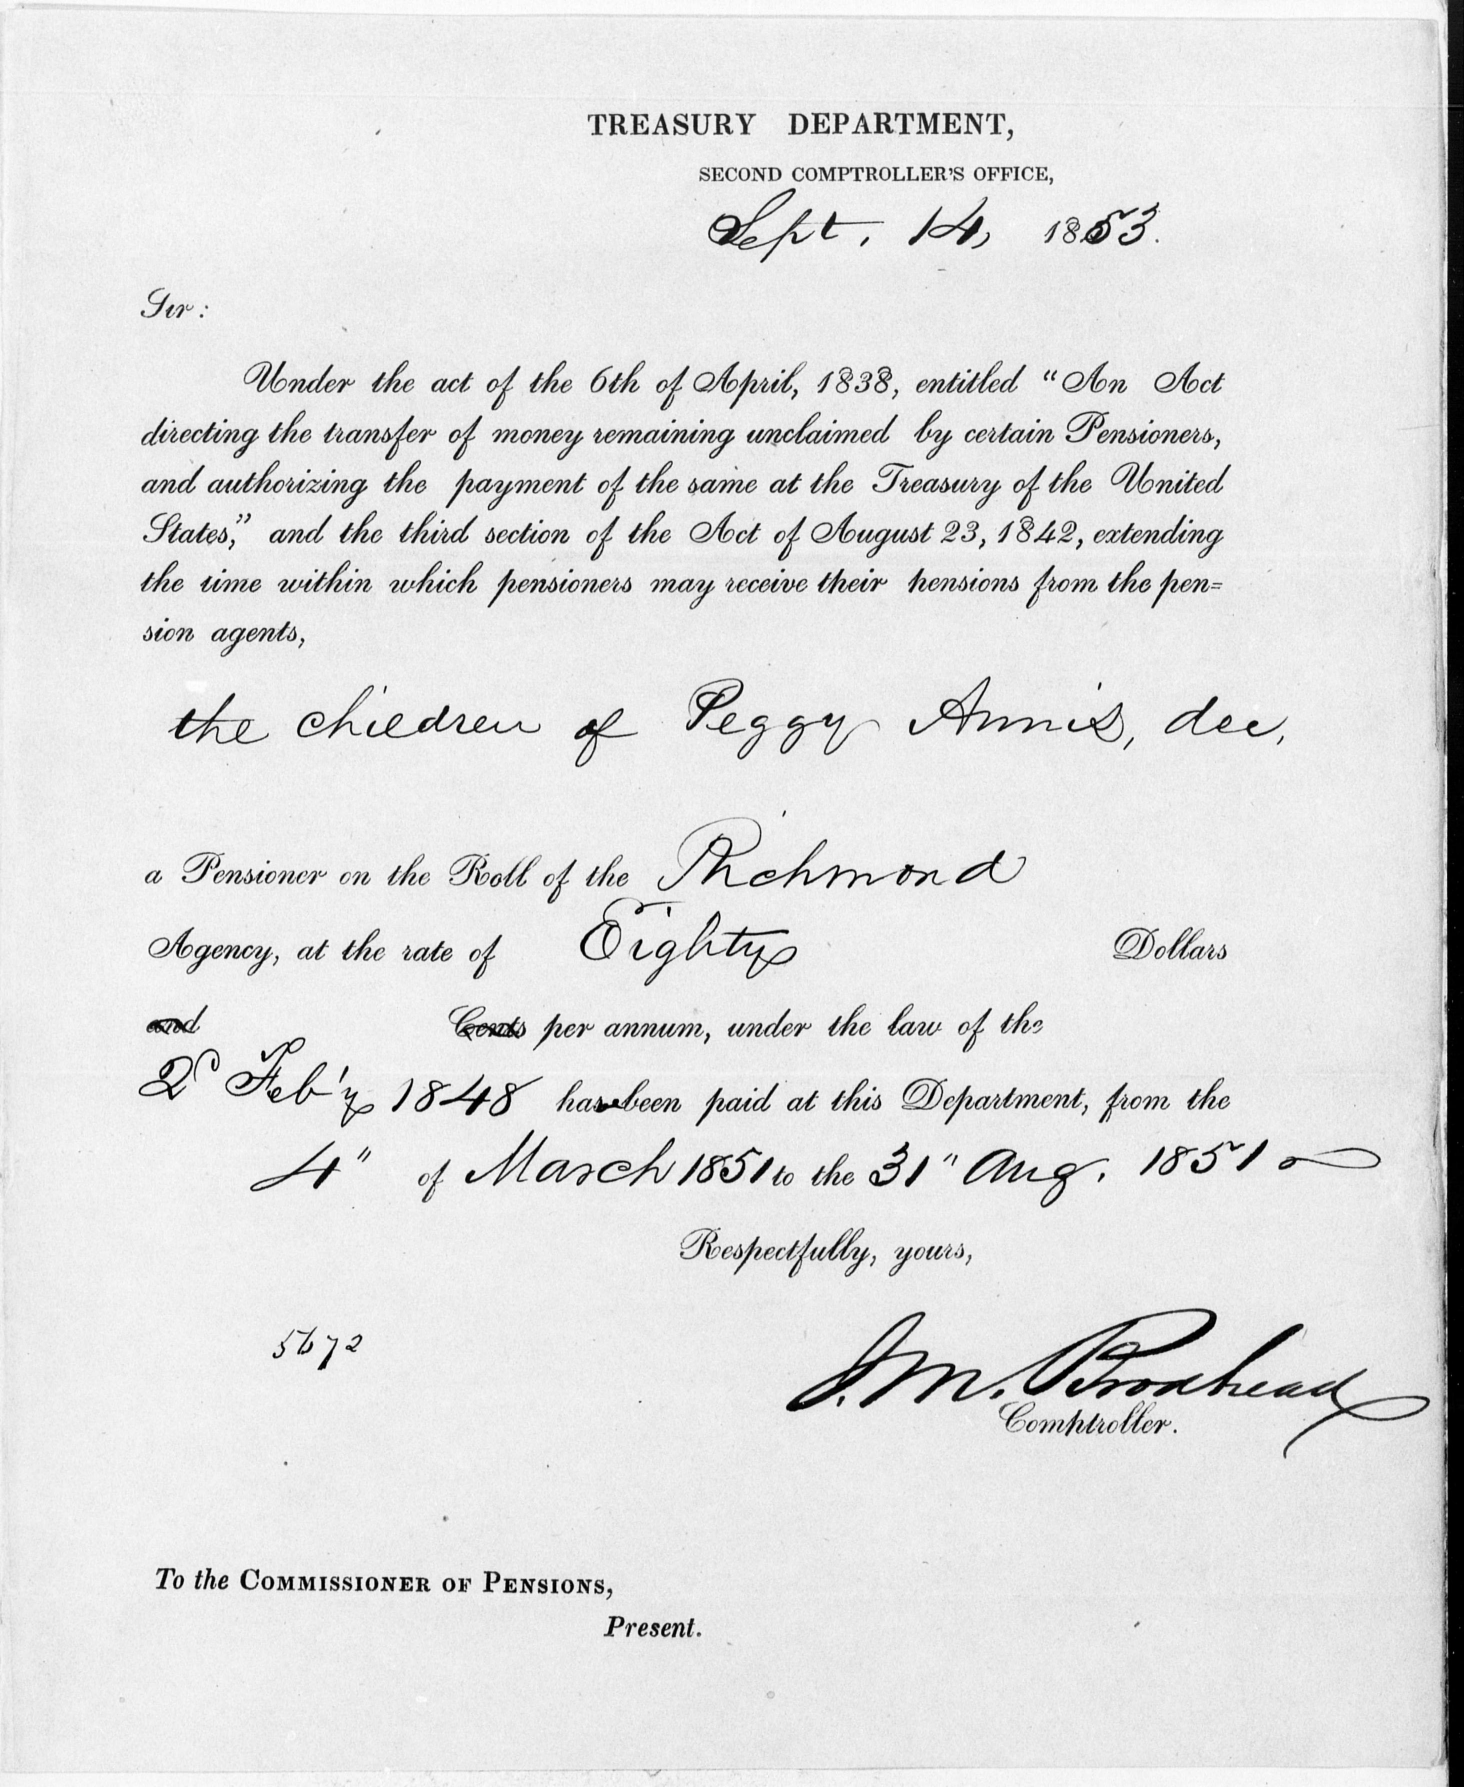TREASURY DEPARTMENT,
SECOND COMPTROLLER'S OFFICE,
Sept. 14, 1853
Sir:
Under the act of the 6th of April,1838, entitled "An Act directing the transfer of money remaining unclaimed by certain Pensioners, and authorizing the payment of the same at the Treasury of the United States," and the third section of the Act of August 23,1842, extending the time within which pensioners may receive their pensions from the pension agents, 
the children of Peggy Annis, dec,
a Pensioner on the Roll of the Richmond Agency, at the rate of Eighty Dollars and Cents per annum, under the law of the 2nd Feb'y 1848 has been paid at this Department, from the 4" of March 1851 to the 31" Aug. 1851
Respectfully yours,
5672
J. M. Brodhead
Comptroller
To the COMMISSIONER OF PENSIONS,
Present.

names: Peggy, J M Brodhead, Annis, Dee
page: 11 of 27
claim: widow's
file: W 5624, Levi Annis, Va. Va. Sea Service